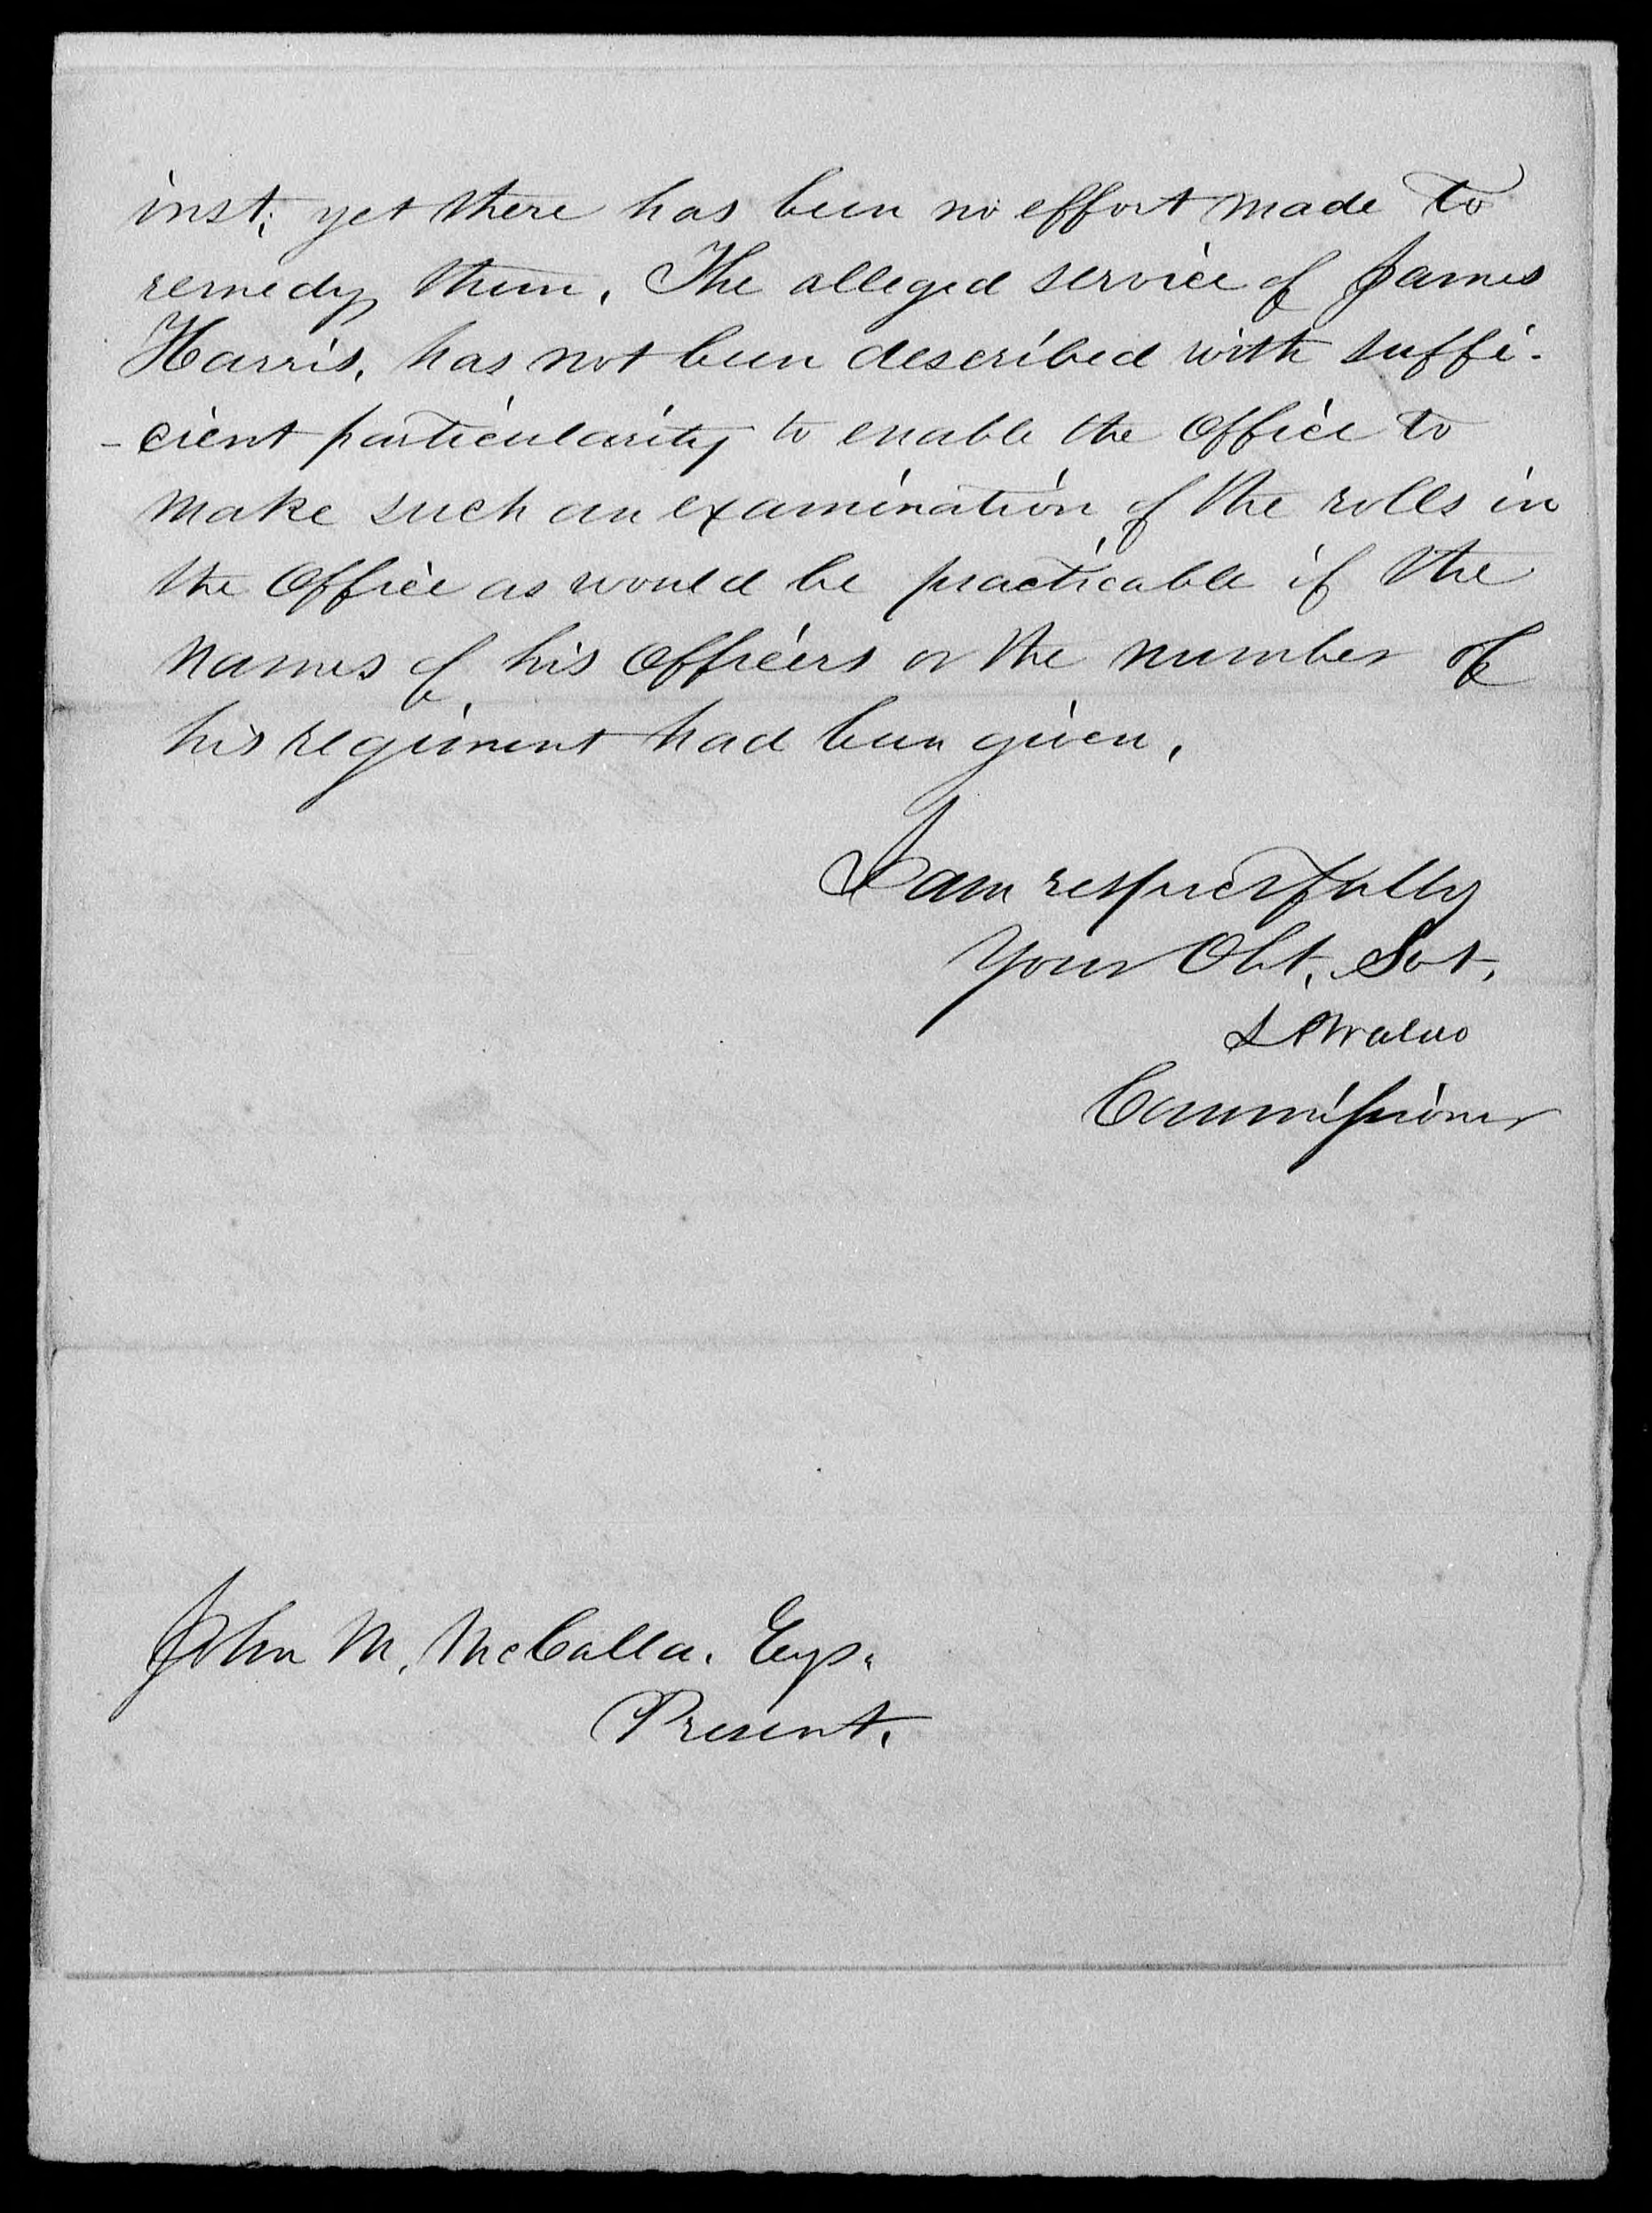inst. yet there has been no effort made to remedy them.  The alleged service of James Harris has not been described with sufficient particularity to enable the office to make such an examination of the rolls in the office as would be practicable if the names of his officers or the number of his regiment had been given.

I am respectfully
Your Obt Svt.
L P Waldo
Commissioner

John M. McCalla, Esq.
Present.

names: James Harris, John M Mc Calla, L P Waldo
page: 49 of 160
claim: rejected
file: R. 4666, James Harris, Va.